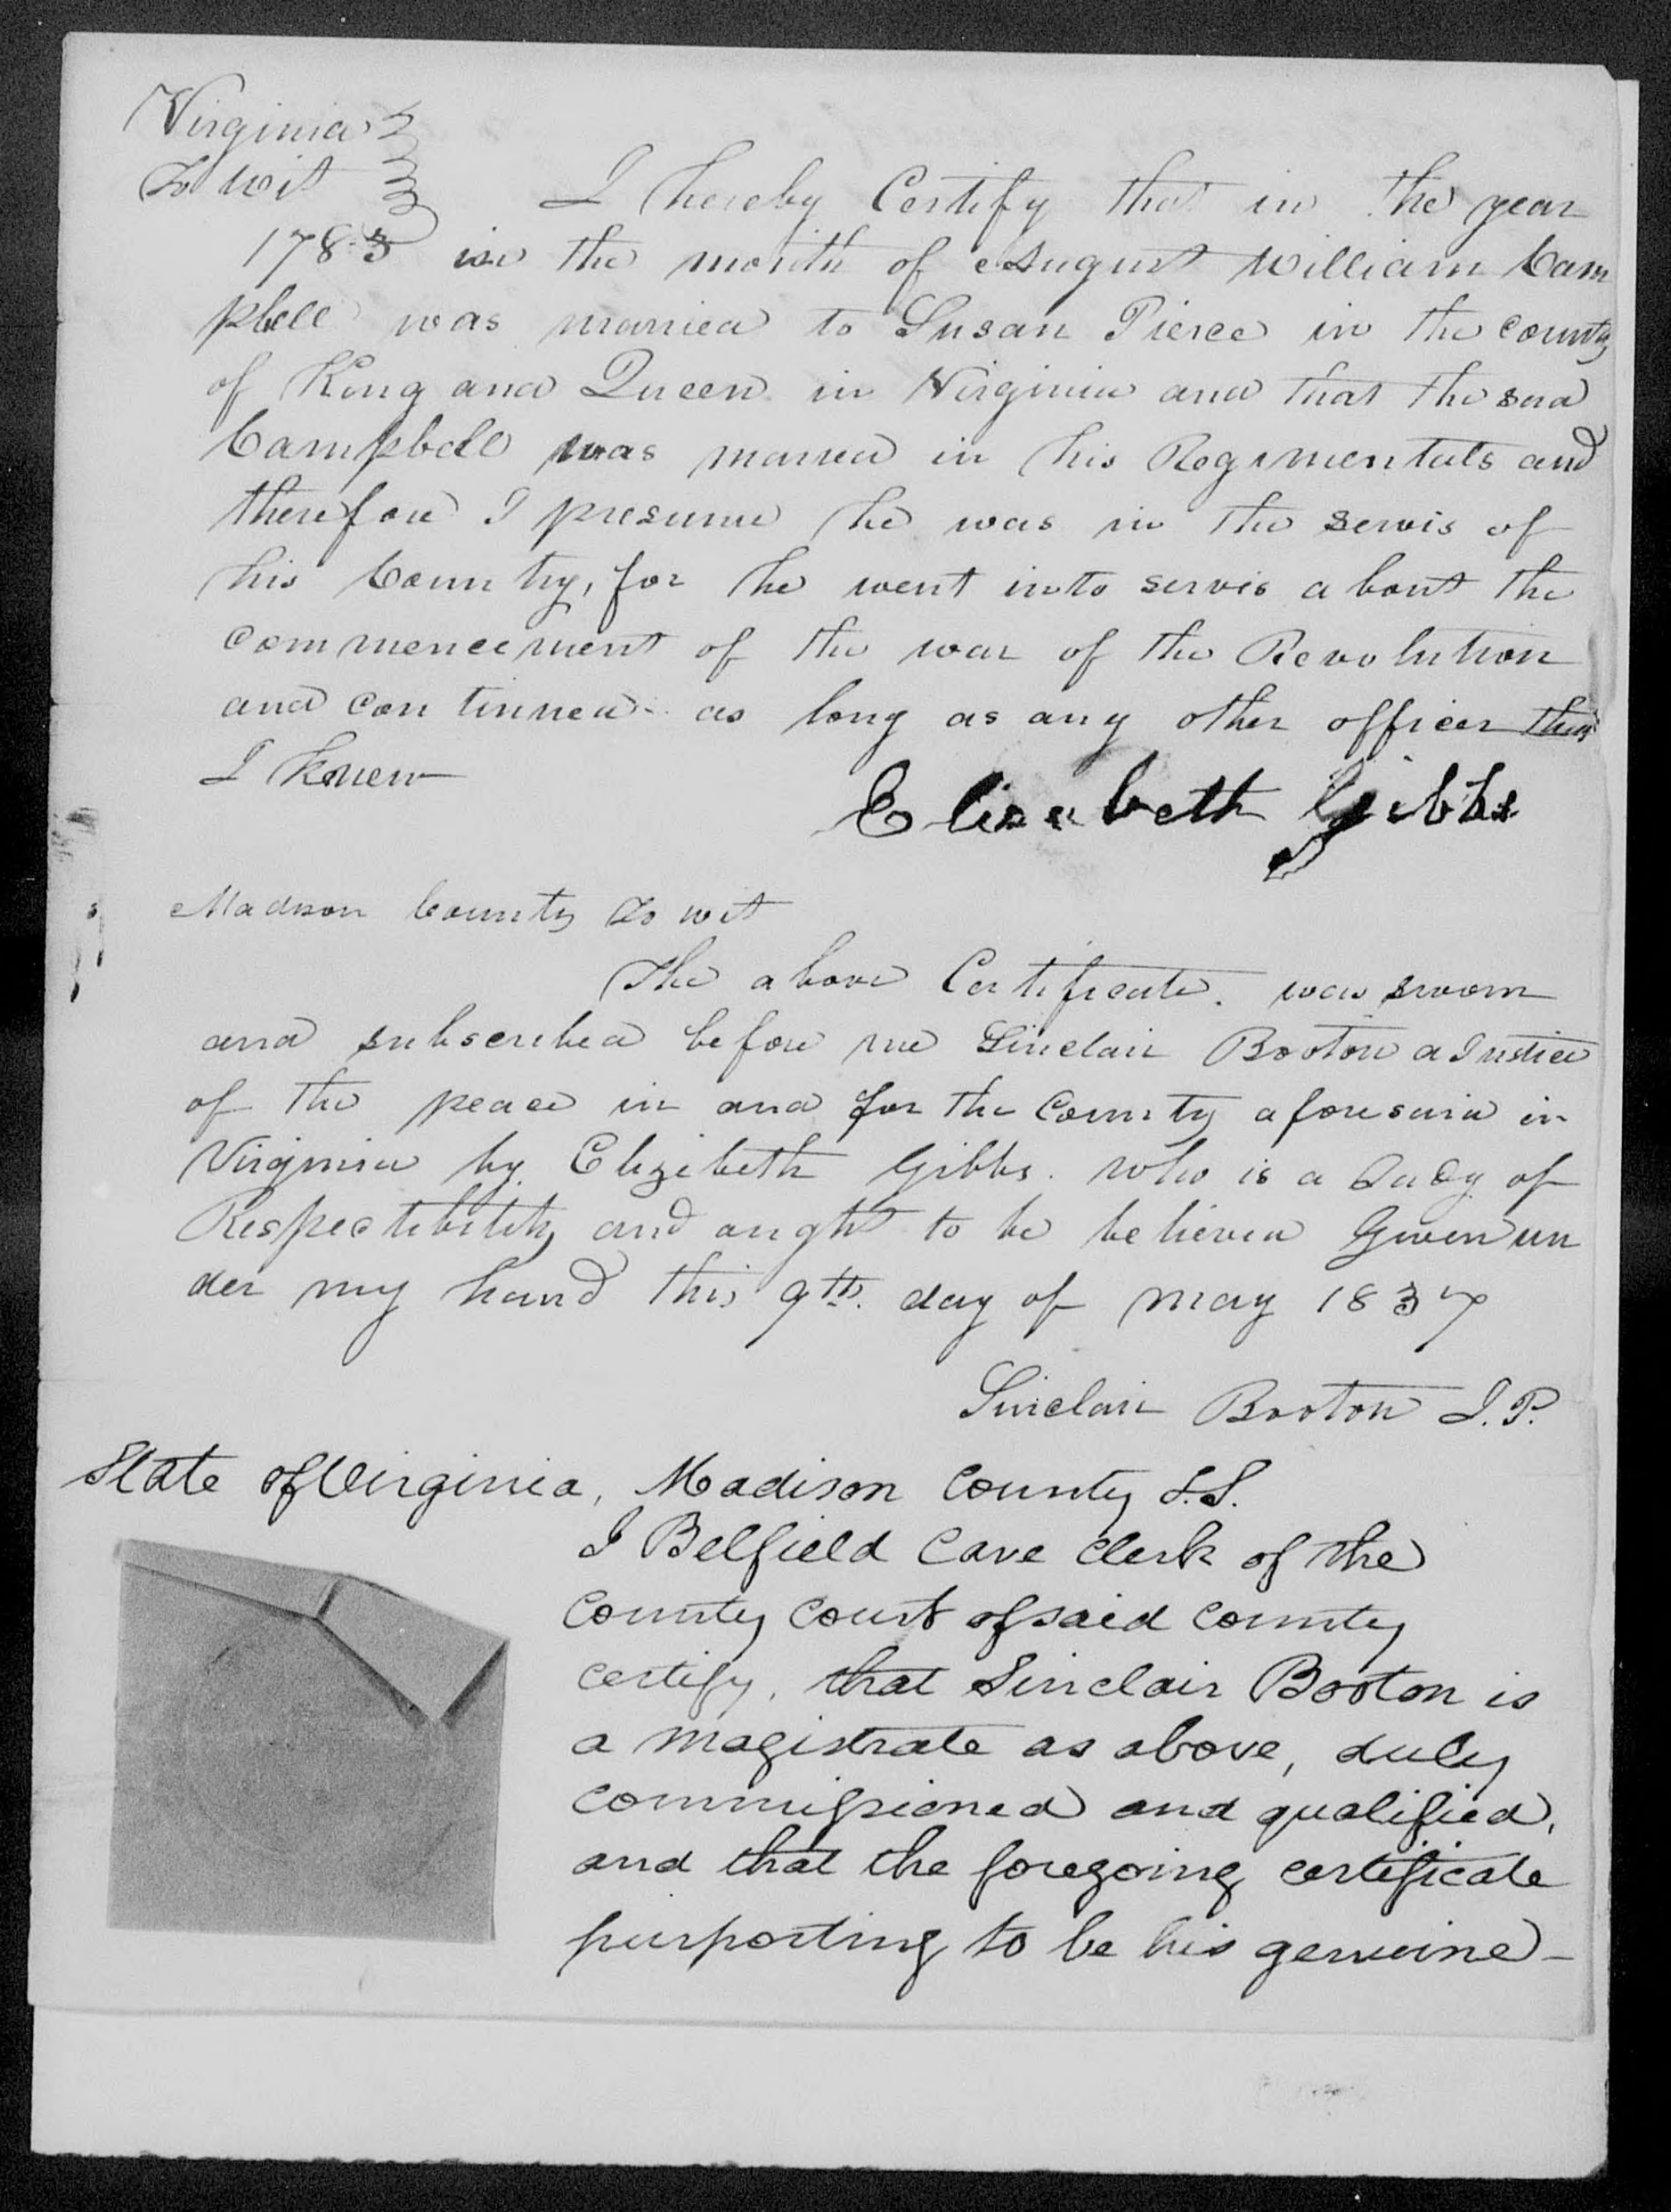Virginia
To wit
I hereby Certify that in the year 1783 in the month of August William Campbell was married to Susan Pierce in the county of King and Queen in Virginia and that the said Campbell was married in his Regimentals and therefore I presume he was in the servis of his Country, for he went into servis about the commencement of the war of the Revolution and continued as long as any other officer then I knew
Elizabeth Gibbs [signature]

Madison County To wit
The above Certificate. was sworn and subscribed before me Sinclair Booton a Justice of the peace in and for the County aforesaid in Virginia by Elizabeth Gibbs who is a lady of Respectibility and ought to be believed  Given under my hand this 9th day of May 1837
Sinclair Booton J.P.

State of Virginia, Madison County L.S.
I Belfield Cave clerk of the County Court of said county certify, that Sinclair Booton is a magistrate as above, duly commissioned and qualified, and that the foregoing certificate purporting to be his genuine__  

[remnants of a circular seal covered in paper are visible in lower left corner of document; nothing legible can be seen]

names: Elizabeth Gibbs, Sinclair Booton, Campbell, William Campbell, Sinclair Booton, Elizebeth Gibbs, Susan Pierce, Belfield Cave, Sinclair Booton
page: 64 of 267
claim: widow's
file: W. 4,149, William Campbell, Va.